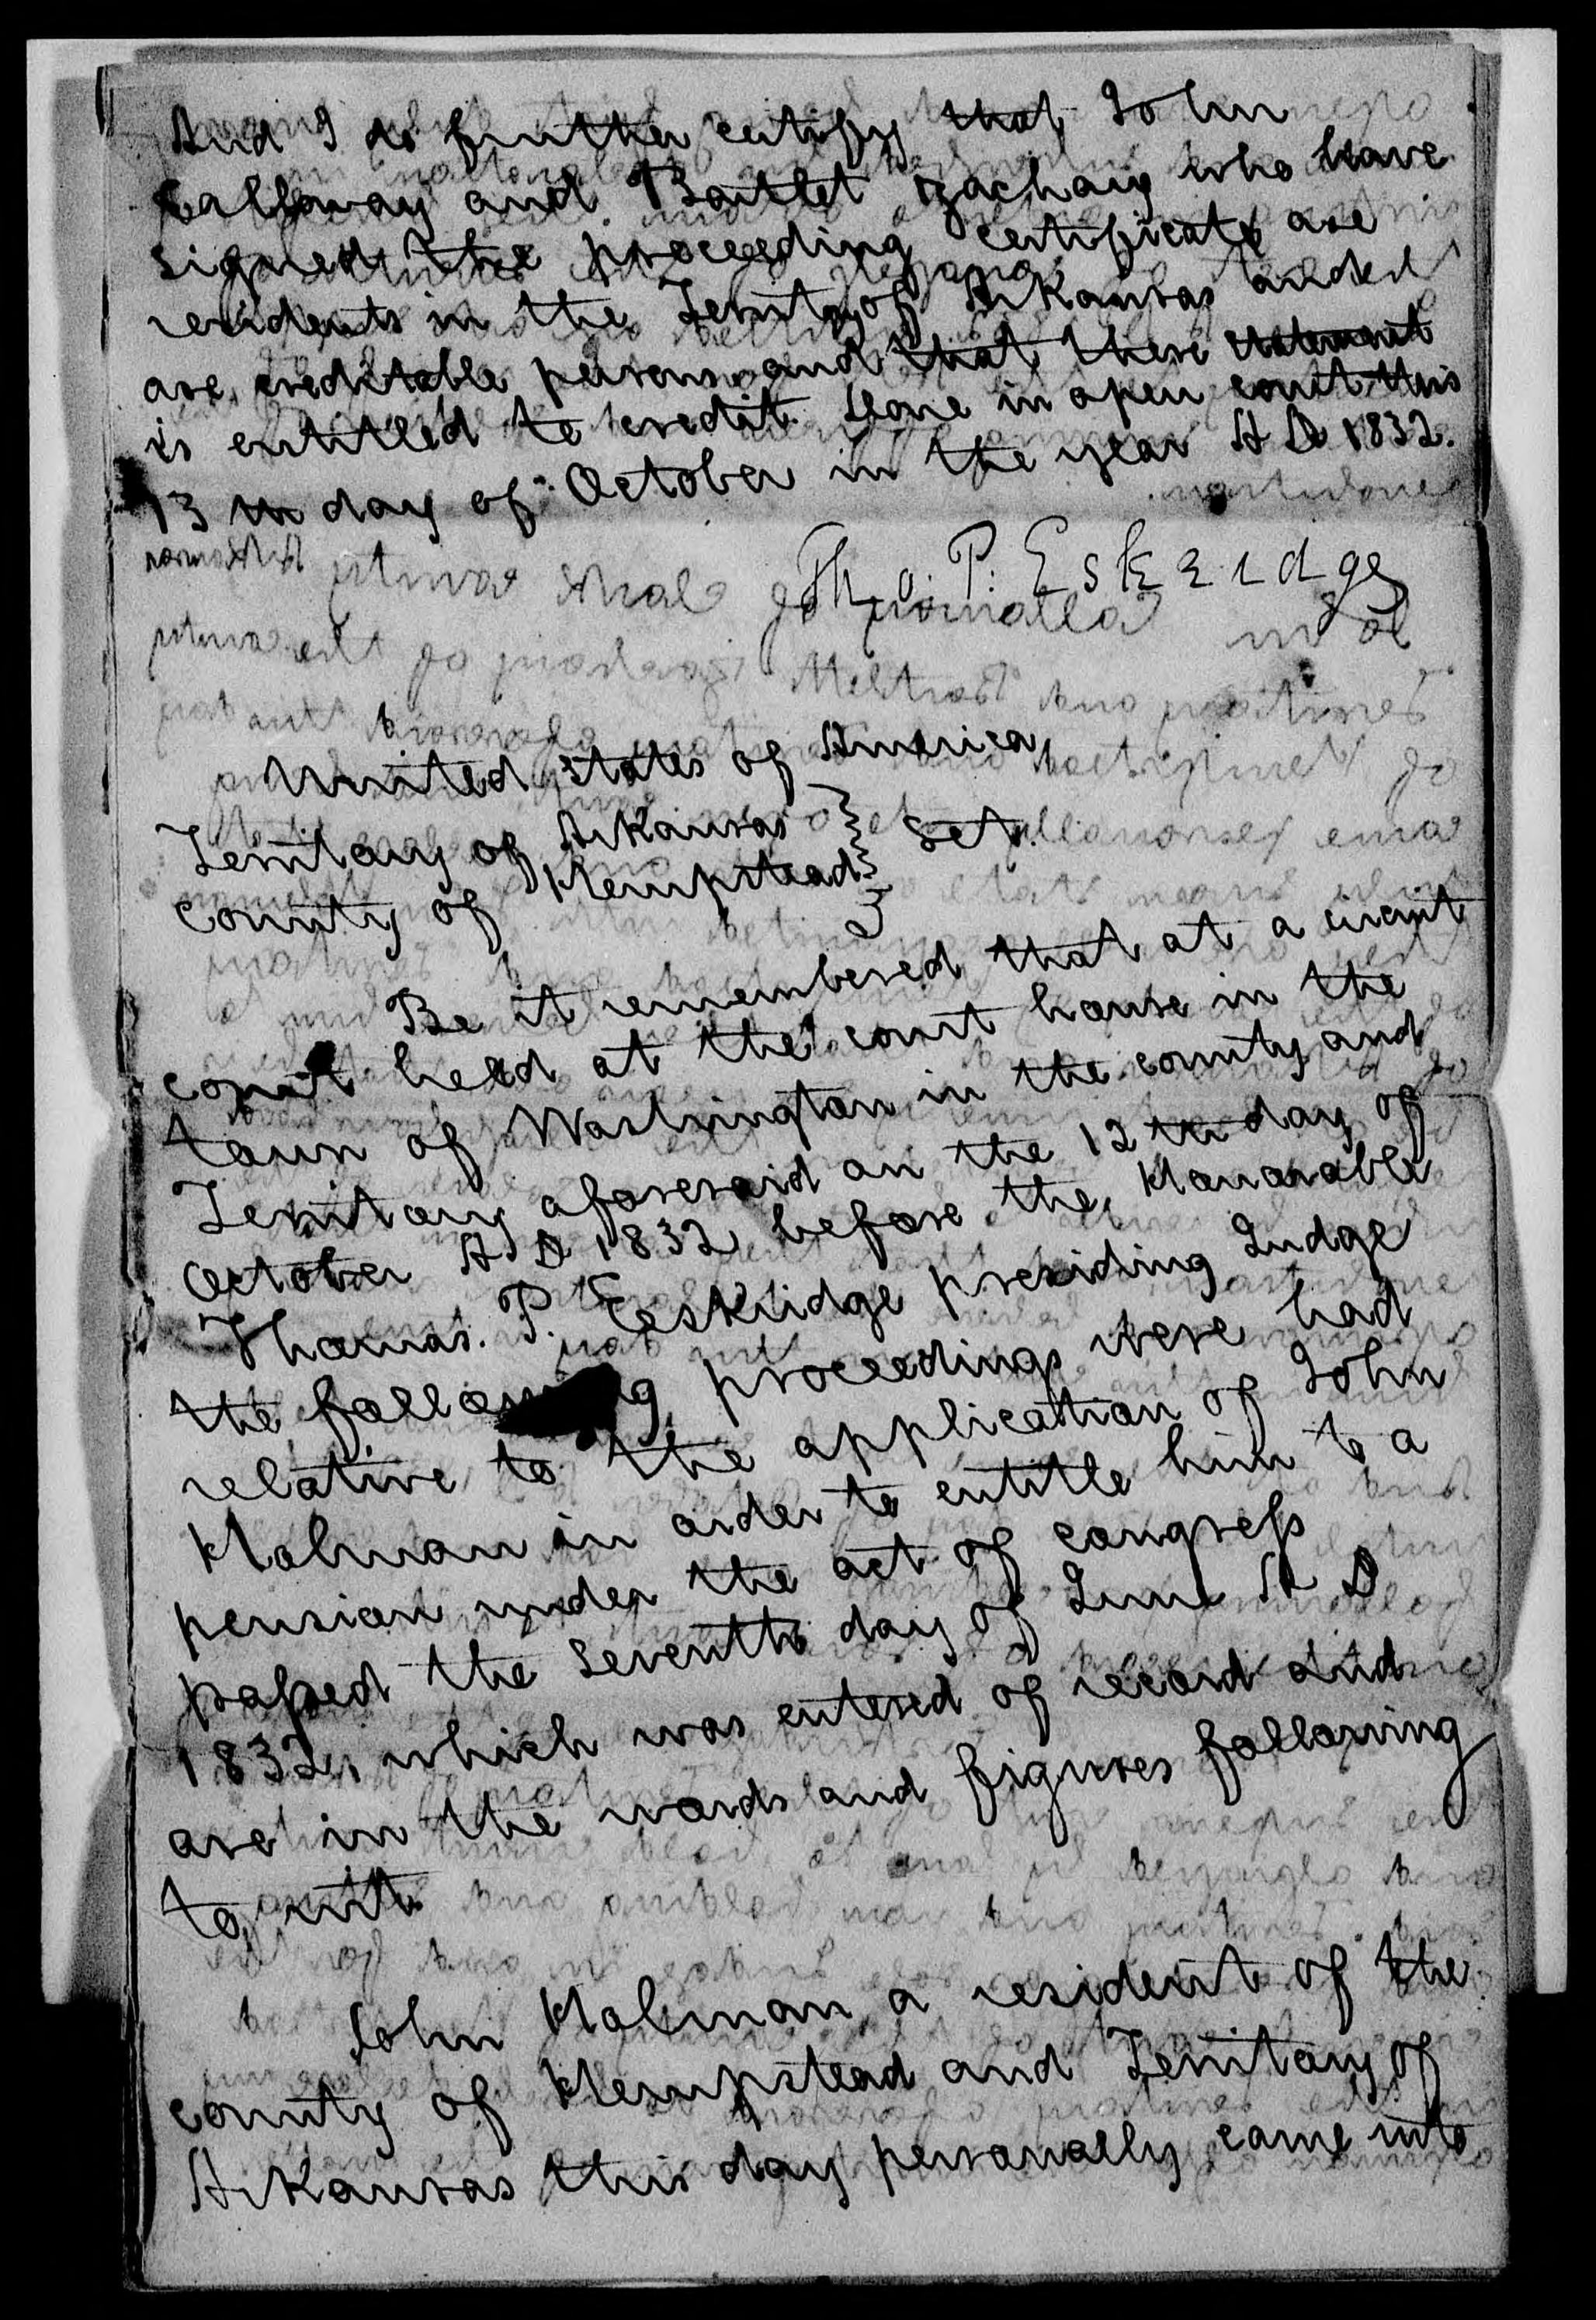and I do further certify that John Calloway and Bartlet Zachary who have signed the preceding certificate are residents in the Territory of Arkansas and are creditable persons and that their statement is entitled to credit.  Done in open court this 13th day of October in the year A. D. 1832.
Tho. P. Eskridge
United States of America
Territory of Arkansas
County of Hempstead

Be it remembered that at a circuit court held at the court house in the town of Washington in the county and Territory aforesaid on the 12th day of October AD 1832 before the Honorable Thomas P. Eskridge presiding Judge the following proceedings were had relative to the application of John Holman in order to entitle him to a pension under the act of Congress passed the seventh day of June AD 1832 which was entered of record and are in the words and figures following To wit

John Holman a resident of the county of Hempstead and Territory of Arkansas this day personally came into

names: John Calloway, John Halman, Thomas P Eskridge, Tho P Eskridge, Bartlet Zachary, John Halman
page: 8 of 30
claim: survivor's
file: S. 31753, John Holman, Va.